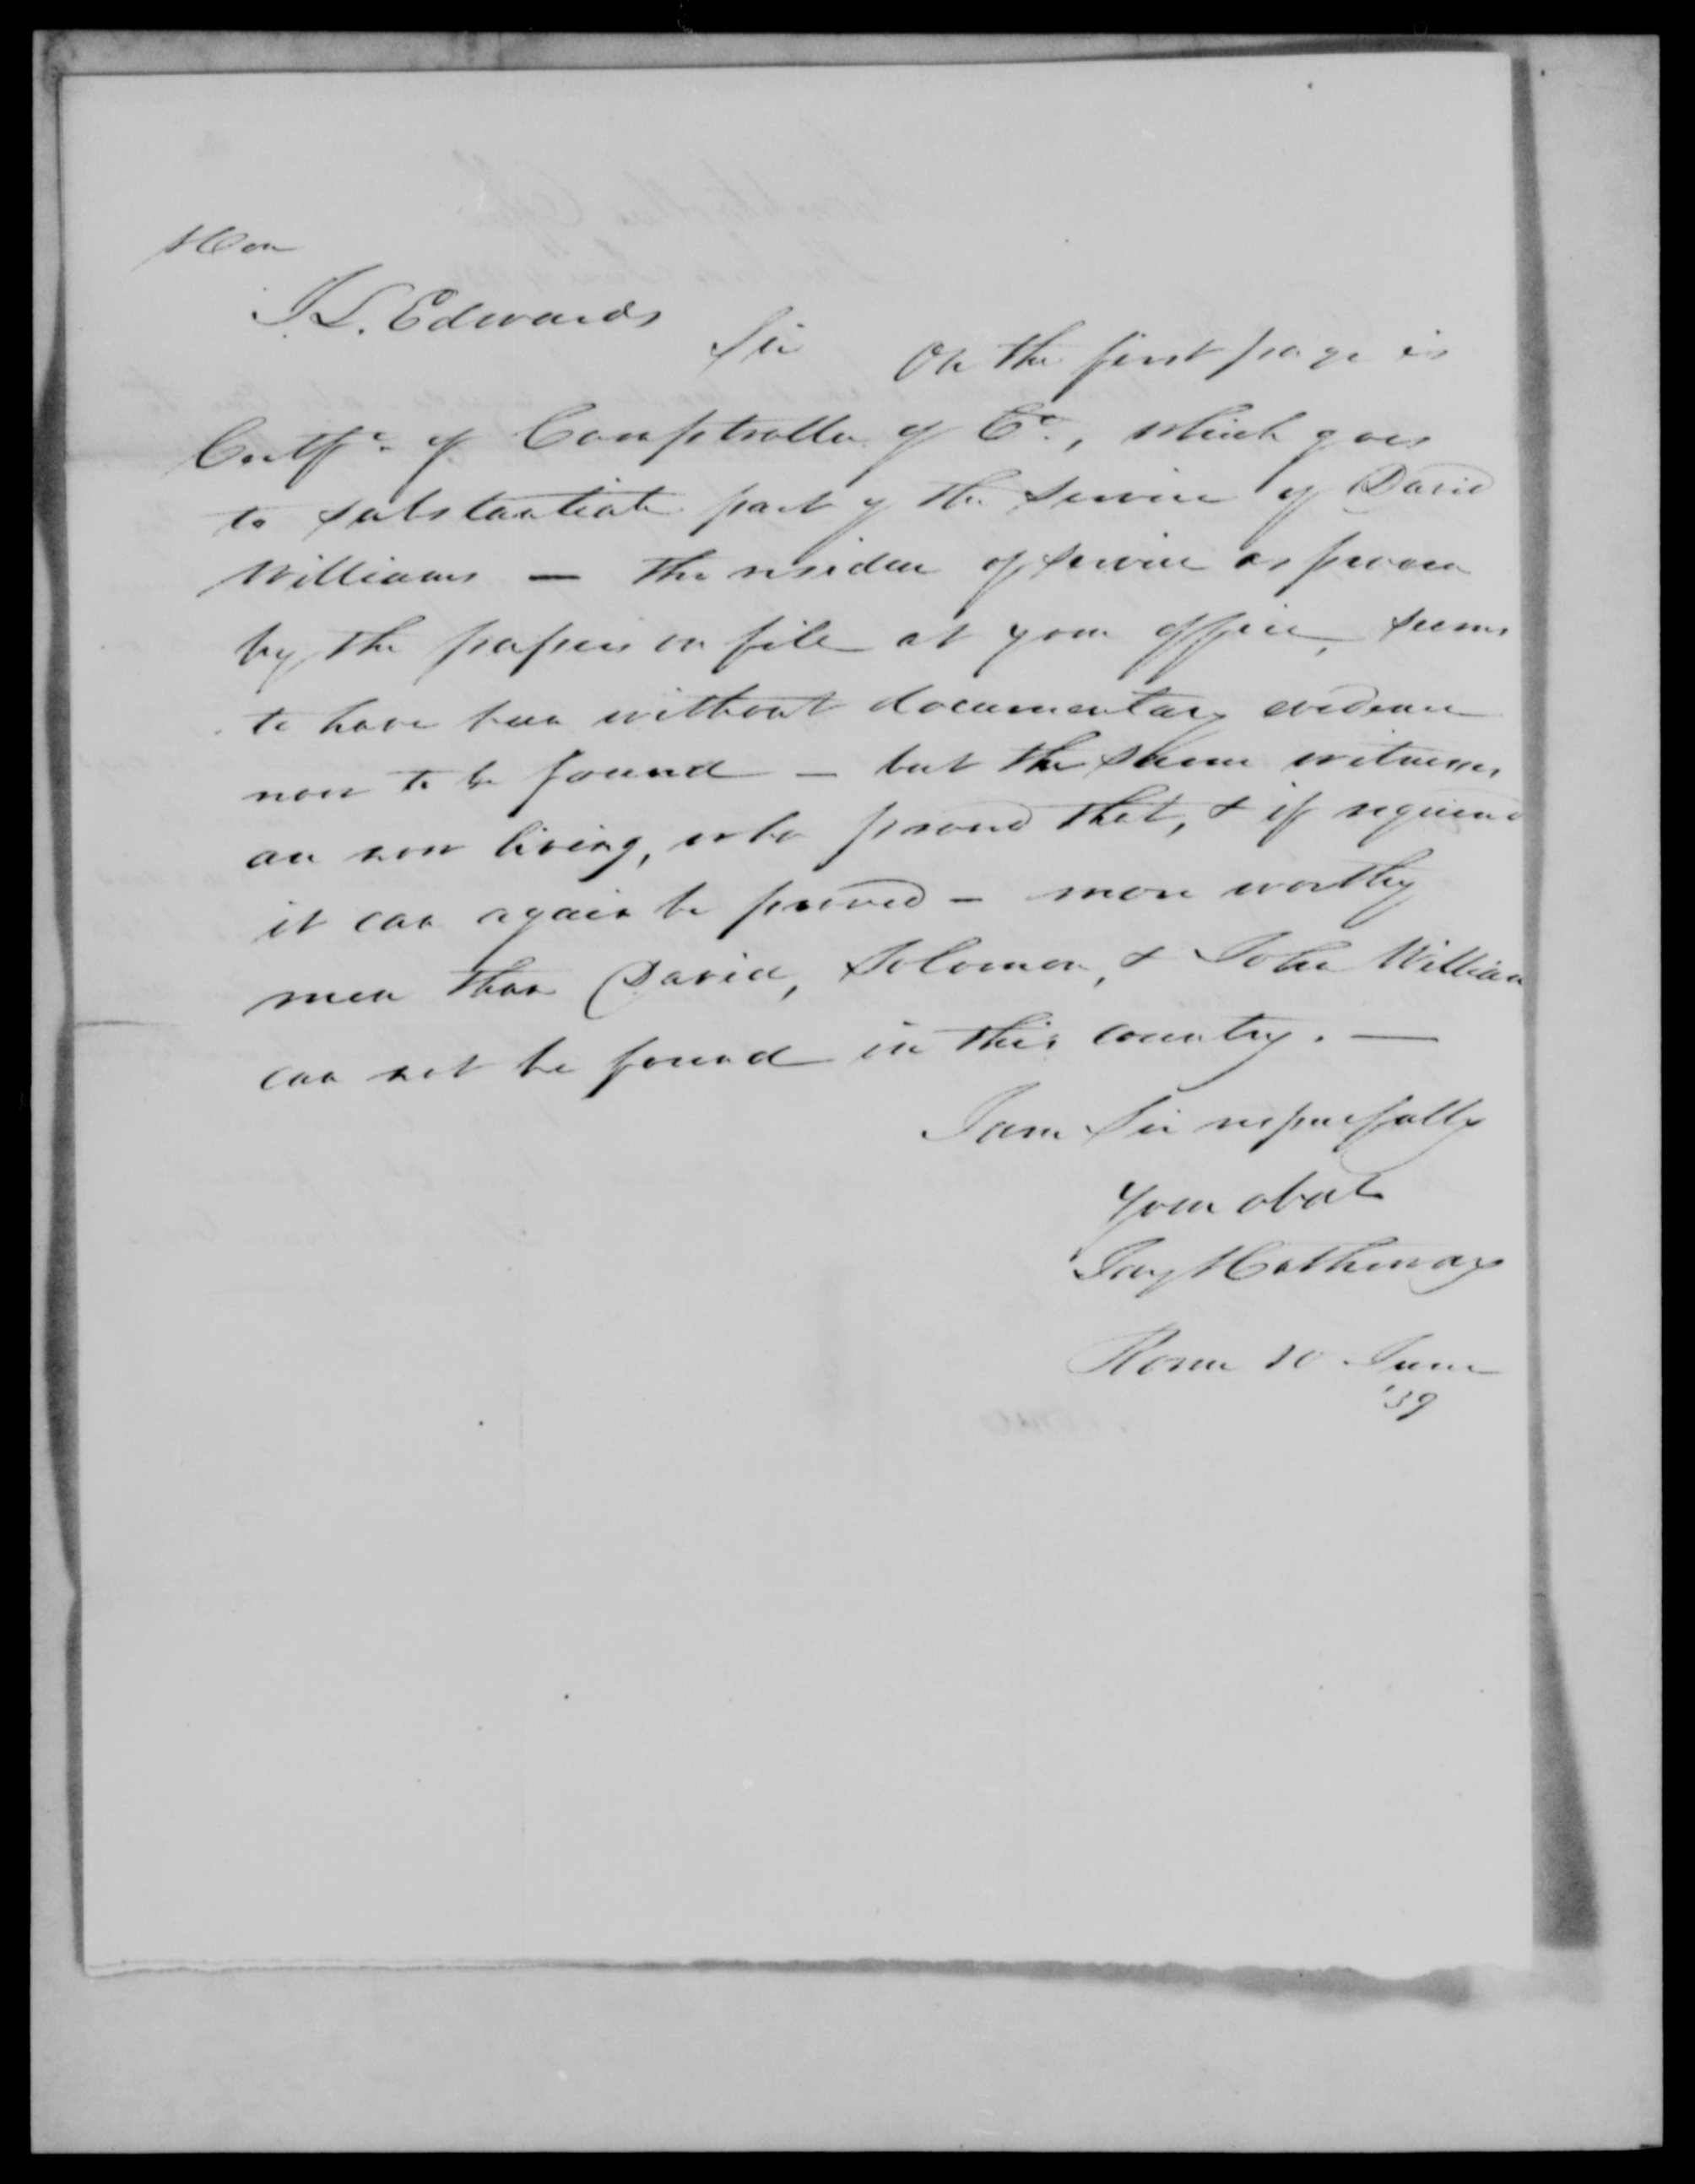Hon J. L. Edwards
Sir
On the first page is certf of Comptroller of Ct, which goes to substantiate part of the service of David Williams. The (illegible) of service as proven by the papers in file at your office seems to have been without documentary evidence none to be found, but the shown witnesses as some living, as to prove that & if sequence it can again be proved. More worthy men than DAvid, Solomon & John Williams can not be found in this country.
I am Sir respectfully Your obed
Jay Hathaway
Rome 20 June '39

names: Solomon Williams, David Williams, J L Edwards, John Williams, Jay Hatheway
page: 37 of 63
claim: widow's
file: W. 22,632, David Williams, Conn. Continental Privateer